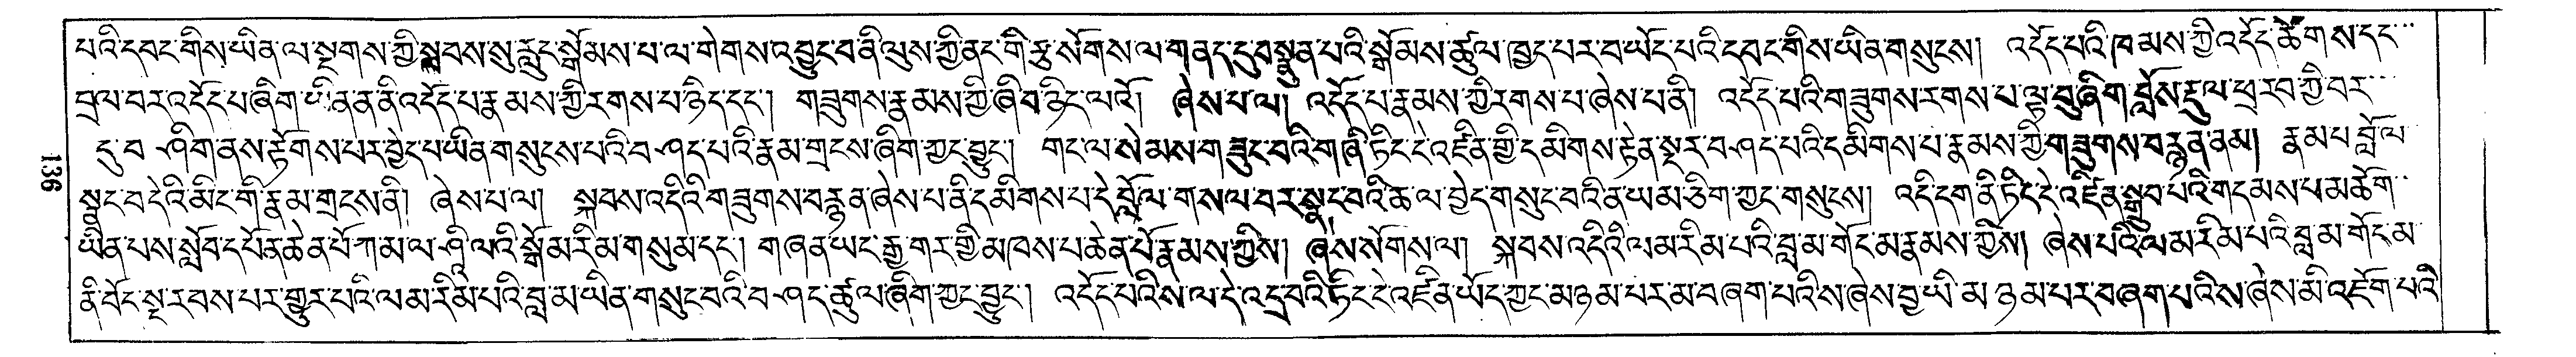པའི་དབང་གིས་ཡིན་ལ་སྔགས་ཀྱི་སྐབས་སུ་རླུང་སྒོམས་པ་ལ་གེགས་འབྱུང་བ་ནི་ལུས་ཀྱི་ནང་གི་རྩ་སོགས་ལ་གནད་དུ་བསྣུན་པའི་སྒོམས་ཚུལ་ཁྱད་པར་བ་ཡོང་བའི་དབང་གིས་ཡིན་གསུངས། འདོད་པའི་ཁམས་ཀྱི་འདོད་ཆགས་དང་
བྲལ་བར་འདོད་པ་ཞིག་ཡིན་ན་ནི་འདོད་པ་རྣམས་ཀྱི་རགས་པ་ཉིད་དང་། གཟུགས་རྣམས་ཀྱི་ཞི་བ་ཉིད་ལའོ། ཞེས་པ་ལ། འདོད་པ་རྣམས་ཀྱི་རགས་པ་ཞེས་པ་ནི། འདོད་པའི་གཟུགས་རགས་པ་ལྟ་བུ་ཞིག་བློས་རྡུལ་ཕྲ་རབ་ཀྱི་བར་
དུ་བ་ཤིག་ནས་རྟོགས་པར་བྱེད་པ་ཡིན་གསུངས་པའི་བཤད་པའི་རྣམ་གྲངས་ཞིག་ཀྱང་བྱུང་། གང་ལ་སེམས་གཟུང་བའི་གཞི་ཏིང་ངེ་འཛིན་གྱི་དམིགས་རྟེན་སྔར་བཤད་པའི་དམིགས་པ་རྣམས་ཀྱི་གཟུགས་བརྙན་ནམ། རྣམ་པ་བློ་ལ་
སྣང་བ་དེའི་མིང་གི་རྣམ་གྲངས་ནི། ཞེས་པ་ལ། སྐབས་འདིའི་གཟུགས་བརྙན་ཞེས་པ་ནི་དམིགས་པ་དེ་བློ་ལ་གསལ་བར་སྣང་བའི་ཆ་ལ་བྱེད་གསུང་བའི་ཉམ་ཅིག་ཀྱང་གསུངས། འདི་དག་ནི་ཏིང་ངེ་འཛིན་སྒྲུབ་པའི་གདམས་པ་མཆོག་
ཡིན་པས་སློབ་དཔོན་ཆེན་པོ་ཀ་མ་ལ་ཤཱི་ལའི་སྒོམ་རིམ་གསུམ་དང་། གཞན་ཡང་རྒྱ་གར་གྱི་མཁས་པ་ཆེན་པོ་རྣམས་ཀྱིས། ཞེས་སོགས་ལ། སྐབས་འདིའི་ལམ་རིམ་པའི་བླ་མ་གོང་མ་རྣམས་ཀྱིས། ཞེས་པའི་ལམ་རིམ་པའི་བླ་མ་གོང་མ་
ནི་བོད་སྔ་རབས་པར་གྱུར་པའི་ལམ་རིམ་པའི་བླ་མ་ཡིན་གསུང་བའི་བཤད་ཚུལ་ཞིག་ཀྱང་བྱུང་། འདོད་པའི་ས་ལ་དེ་འདྲ་བའི་ཏིང་ངེ་འཛིན་ཡོད་ཀྱང་མཉམ་པར་མ་བཞག་པའི་ས་ཞེས་བྱ་ཡི་མཉམ་པར་བཞག་པའི་ས་ཞེས་མི་འཇོག་པའི་